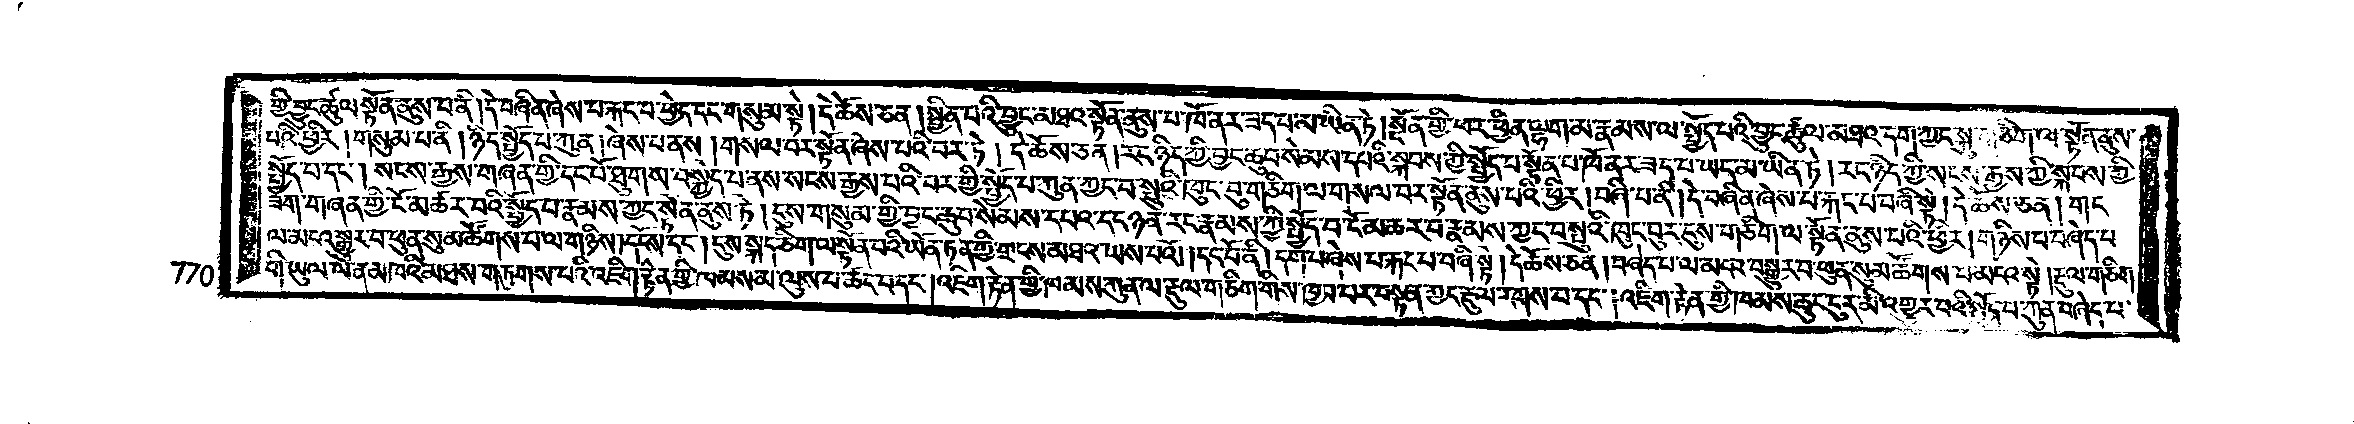གྱི་བྱུང་ཚུལ་སྟོན་ནུས་པ་ནི། དེ་བཞིན་ཞེས་པ་རྐང་པ་ཕྱེད་དང་གསུམ་སྟེ། དེ་ཆོས་ཅན། སྦྱིན་པའི་བྱུང་མཐའ་སྟོན་ནུས་པ་ཁོ་ནར་ཟད་པ་མ་ཡིན་ཏེ། སྔོན་གྱི་ཕར་ཕྱིན་ལྷག་མ་རྣམས་ལ་སྤྱོད་པའི་བྱུང་ཚུལ་མཐའ་དག་ཀྱང་སྐུ་གཅིག་ལ་སྟོན་ནུས་
པའི་ཕྱིར། གསུམ་པ་ནི། ཉིད་སྤྱོད་པ་ཀུན། ཞེས་པ་ནས། གསལ་བར་སྟོན་ཞེས་པའི་བར་ཏེ། དེ་ཆོས་ཅན། རང་ཉིད་ཀྱི་བྱང་ཆུབ་སེམས་དཔའི་སྐབས་ཀྱི་སྤྱོད་པ་སྟོན་པ་ཁོ་ནར་ཟད་པ་ཡང་མ་ཡིན་ཏེ། རང་ཉིད་ཀྱི་སངས་རྒྱས་ཀྱི་སྐབས་ཀྱི་
སྤྱོད་པ་དང་། སངས་རྒྱས་གཞན་གྱི་དང་པོ་ཐུགས་བསྐྱེད་པ་ནས་སངས་རྒྱས་པའི་བར་གྱི་སྤྱོད་པ་ཀུན་ཀྱང་བ་སྤུའི་ཁུང་བུ་གཅིག་ལ་གསལ་བར་སྟོན་ནུས་པའི་ཕྱིར། བཞི་པ་ནི། དེ་བཞིན་ཞེས་པ་རྐང་པ་བཞི་སྟེ། དེ་ཆོས་ཅན། གང་
ཟག་གཞན་གྱི་ངོ་མཚར་བའི་སྤྱོད་པ་རྣམས་ཀྱང་སྟོན་ནུས་ཏེ། དུས་གསུམ་གྱི་བྱང་ཆུབ་སེམས་དཔའ་དང་ཉན་རང་རྣམས་ཀྱི་སྤྱོད་པ་ངོ་མཚར་བ་རྣམས་ཀྱང་བ་སྤུའི་ཁུང་བུར་དུས་གཅིག་ལ་སྟོན་ནུས་པའི་ཕྱིར། གཉིས་པ་བཞེད་པ་
ལ་མངའ་སྒྱུར་བ་ཕུན་སུམ་ཚོགས་པ་ལ་གཉིས། དངོས་དང་། དུས་སྐད་ཅིག་ལ་སྟོན་པའི་ཡོན་ཏན་གྱི་གྲངས་མཐའ་ཡས་པའོ། །དང་པོ་ནི། དག་པ་ཞེས་པ་རྐང་པ་བཞི་སྟེ། དེ་ཆོས་ཅན། བཞེད་པ་ལ་མངའ་བསྒྱུར་བ་ཕུན་སུམ་ཚོགས་པ་མངའ་སྟེ། རྡུལ་གཅིག་
གི་ཡུལ་ལ་ནམ་མཁའི་མཐས་གཏུགས་པའི་འཇིག་རྟེན་གྱི་ཁམས་མ་ལུས་པ་ཚང་པ་དང་། འཇིག་རྟེན་གྱི་ཁམས་ཀུན་ལ་རྡུལ་གཅིག་གིས་ཁྱབ་པར་བསྟན་ཀྱང་རྡུལ་རགས་པ་དང་། འཇིག་རྟེན་གྱི་ཁམས་ཆུང་ངུར་མི་འགྱུར་པའི་སྤྱོད་པ་ཀུན་བཞེད་པ་